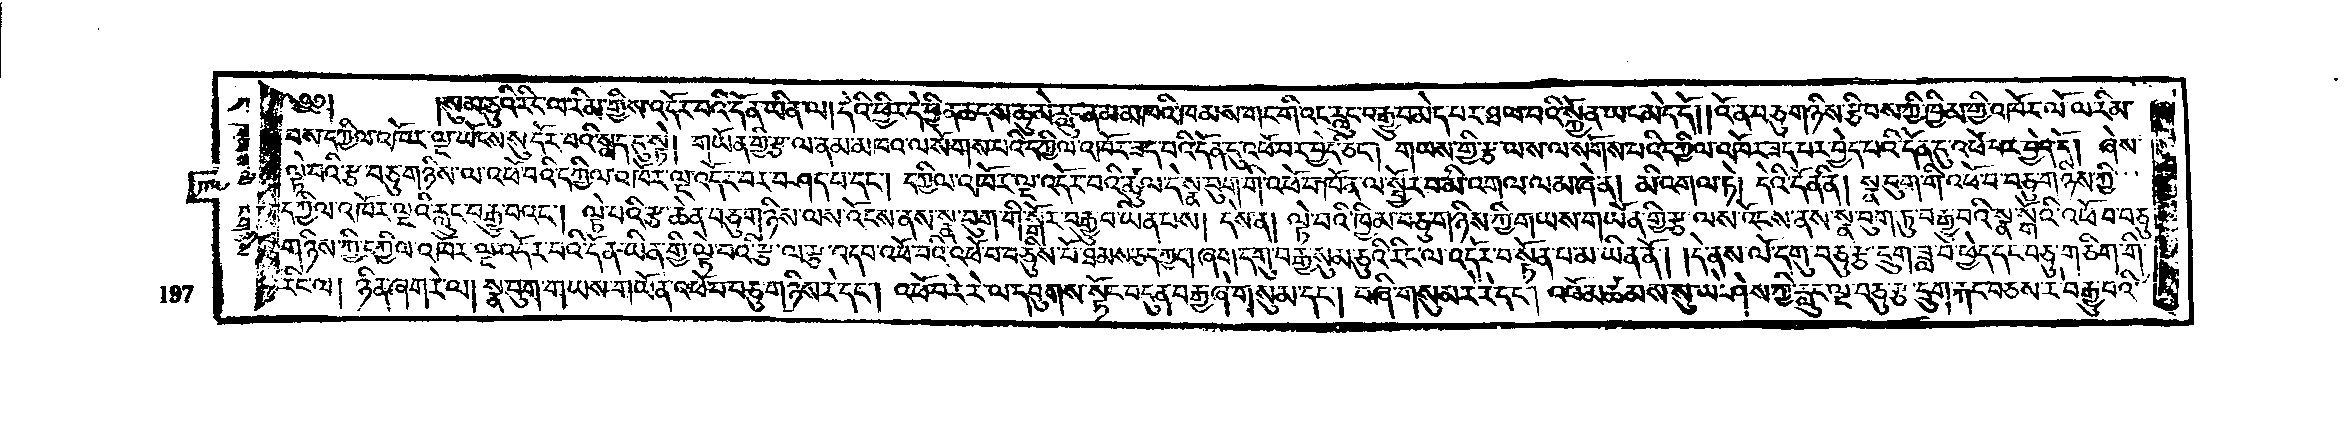༄༅། །སུམ་ཅུའི་རིང་ལ་རིམ་གྱིས་འདོར་བའི་དོན་ཡིན་ལ། དེའི་ཕྱིར་དེ་ཕྱིན་ཆད་ས་ཆུ་མེ་རླུང་ནམ་མཁའི་ཁམས་གང་གི་འང་རླུང་བརྒྱུ་བ་མེད་པར་ཐལ་བའི་སྐྱོན་ཡང་མེད་དོ། །འོ་ན་བཅུ་གཉིས་རྩིབས་ཀྱི་ཁྱིམ་གྱི་འཁོར་ལོ་ལ་རིམ་
བས་དཀྱིལ་འཁོར་ལྔ་ཡོངས་སུ་དོར་བའི་སླད་དུ་སྟེ། གཡོན་གྱི་རྩ་ལ་ནམ་མཁའ་ལ་སོགས་པའི་དཀྱིལ་འཁོར་ཟད་པའི་དོན་དུ་འཕོ་བར་བྱེད་ཅིང་། གཡས་ཀྱི་རྩ་ལས་ལ་སོགས་པའི་དཀྱིལ་འཁོར་ཟད་པར་བྱེད་པའི་དོན་དུ་འཕོ་བར་བྱེད་དོ། ཞེས་
ལྟེ་བའི་རྩ་བཅུ་གཉིས་ལ་འཕོ་བའི་དཀྱིལ་འཁོར་ལྔ་འདོར་བར་བཤད་པ་དང་། དཀྱིལ་འཁོར་ལྔ་འདོར་བའི་ཚུལ་དེ་སྣ་བུག་གི་འཕོ་བ་ཁོ་ན་ལ་སྦྱོར་བ་མི་འགལ་ལམ་ཞེ་ན། མི་འགལ་ཏེ། དེའི་དོན་ནི། སྣ་བུག་གི་འཕོ་བ་བཅུ་གཉིས་ཀྱི་
དཀྱིལ་འཁོར་ལྔའི་རླུང་བརྒྱུ་བའང་། ལྟེ་བའི་རྩ་ཆེན་བཅུ་གཉིས་ལས་འོངས་ནས་སྣ་བུག་གི་སྒོར་བརྒྱུ་བ་ཡིན་པས། དེས་ན། ལྟེ་བའི་ཁྱིམ་བཅུ་གཉིས་ཀྱི་གཡས་གཡོན་གྱི་རྩ་ལས་འོངས་ནས་སྣ་བུག་ཏུ་བརྒྱུ་བའི་སྣ་སྒོའི་འཕོ་བ་བཅུ་
གཉིས་ཀྱི་དཀྱིལ་འཁོར་ལྔ་འདོར་བའི་དོན་ཡིན་གྱི་ལྟེ་བའི་རྩ་ལ་རྩ་འདབ་འཕོ་བའི་འཕོ་བ་བཅུ་གཉིས་པོ་ཐམས་ཅད་ཀྱང་། ཞག་དགུ་བརྒྱ་སུམ་ཅུའི་རིང་ལ་འདོར་བ་སྟོན་པ་མ་ཡིན་ནོ། །དེ་ནས་ལོ་དགུ་བཅུ་རྩ་དྲུག་ཟླ་བ་ཕྱེད་དང་བཅུ་གཅིག་གི་
རིང་ལ། ཉིན་ཞག་རེ་ལ། སྣ་བུག་གཡས་གཡོན་འཕོ་བ་བཅུ་གཉིས་རེ་དང་། འཕོ་བ་རེ་རེ་ལ་དབུགས་སྟོང་བདུན་བརྒྱ་ཞེ་གསུམ་དང་། བཞི་གསུམ་རེ་རེ་དང་། འཕོ་མཚམས་སུ་ཡེ་ཤེས་ཀྱི་རླུང་ལྔ་བཅུ་རྩ་དྲུག་རྐང་བཅས་རེ་བརྒྱུ་བའི་